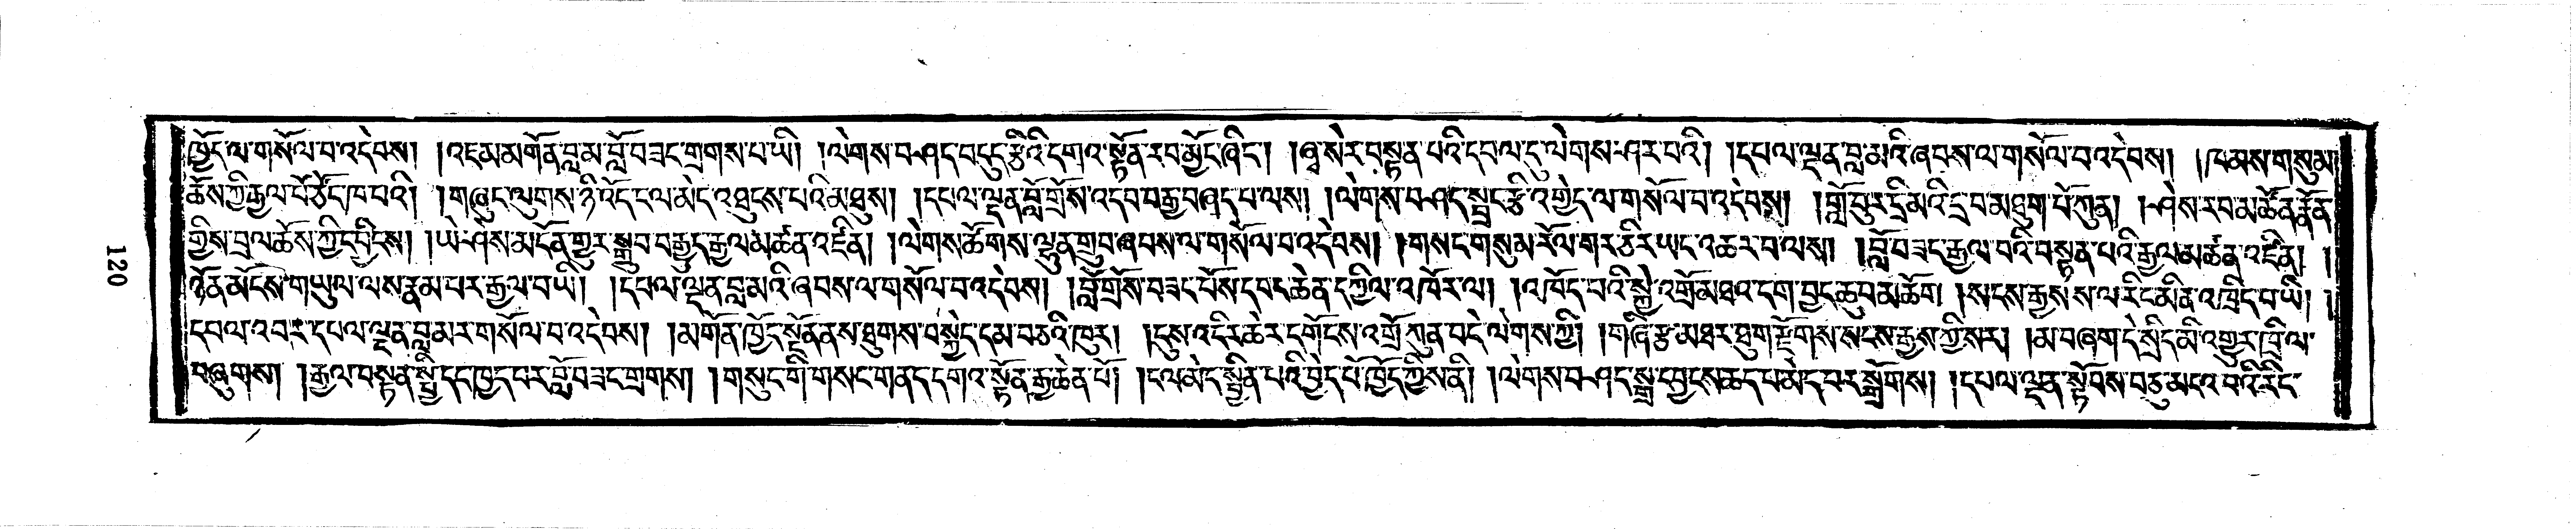ཁྱོད་ལ་གསོལ་བ་འདེབས། །འཇམ་མགོན་བླ་མ་བློ་བཟང་གྲགས་པ་ཡི། །ལེགས་བཤད་བདུད་རྩིའི་དགའ་སྟོན་རབ་མྱོང་ཞིང་། །ཞྭ་སེར་བསྟན་པའི་དཔལ་དུ་ལེགས་ཤར་བའི། །དཔལ་ལྡན་བླ་མའི་ཞབས་ལ་གསོལ་བ་འདེབས། །ཁམས་གསུམ་
ཆོས་ཀྱི་རྒྱལ་བོ་ཙོང་ཁ་བའི། །གཞུང་ལུགས་ཉི་འོད་ངལ་མེད་འཐུངས་པའི་མཐུས། །དཔལ་ལྡན་བློ་གྲོས་འདབ་བརྒྱ་བཞད་པ་ལས། །ལེགས་བཤད་སྦྲང་རྩི་འགྱེད་ལ་གསོལ་བ་འདེབས། །གློ་བུར་དྲི་མའི་དྲ་བ་མཐུག་པོ་ཀུན། །ཤེས་རབ་མཚོན་རྣོན་
གྱིས་བྲལ་ཆོས་ཀྱི་དབྱིངས། །ཡེ་ཤེས་མངོན་གྱུར་སྒྲུབ་བརྒྱུད་རྒྱལ་མཚན་འཛིན། །ལེགས་ཚོགས་ལྷུན་གྲུབ་ཞབས་ལ་གསོལ་བ་འདེབས། །གསང་གསུམ་རོལ་གར་ཅིར་ཡང་འཆར་བ་ལས། །བློ་བཟང་རྒྱལ་བའི་བསྟན་པའི་རྒྱལ་མཚན་འཛིན། །
ཉོན་མོངས་གཡུལ་ལས་རྣམ་པར་རྒྱལ་བ་ཡི། །དཔལ་ལྡན་བླ་མའི་ཞབས་ལ་གསོལ་བ་འདེབས། །བློ་གྲོས་བཟང་པོས་དབང་ཆེན་དཀྱིལ་འཁོར་ལ། །འཁོད་བའི་སྐྱེ་འགྲོ་མཐའ་དག་བྱང་ཆུབ་མཆོག །སངས་རྒྱས་ས་ལ་རིང་མིན་འཁྲིད་པ་ཡི། །
དཔལ་འབར་དཔལ་ལྡན་བླ་མར་གསོལ་བ་འདེབས། །མགོན་ཁྱོད་སྔོན་ནས་ཐུགས་བསྐྱེད་དམ་བཅའི་ཁུར། །དུས་འདིར་ཆེར་དགོངས་འགྲོ་ཀུན་བདེ་ལེགས་ཀྱི། །གཞི་རྩ་མཐར་ཐུག་རྫོགས་སངས་རྒྱས་ཀྱི་སར། །མ་བཞག་དེ་སྲིད་མི་འགྱུར་ཁྲིལ་
བཞུགས། །རྒྱལ་བསྟན་སྤྱི་དང་ཁྱད་པར་བློ་བཟང་གྲགས། །གསུང་གི་གསང་གནང་དགའ་སྟོན་རྒྱ་ཆེན་པོ། །ངལ་མེད་སྦྱིན་པའི་བྱེད་པོ་ཁྱོད་ཀྱིས་ནི། །ལེགས་བཤད་སྒྲ་དབྱངས་ཆད་པ་མེད་པར་སྒྲོགས། །དཔལ་ལྡན་སྟོབས་བཅུ་མངའ་བའི་རིང་